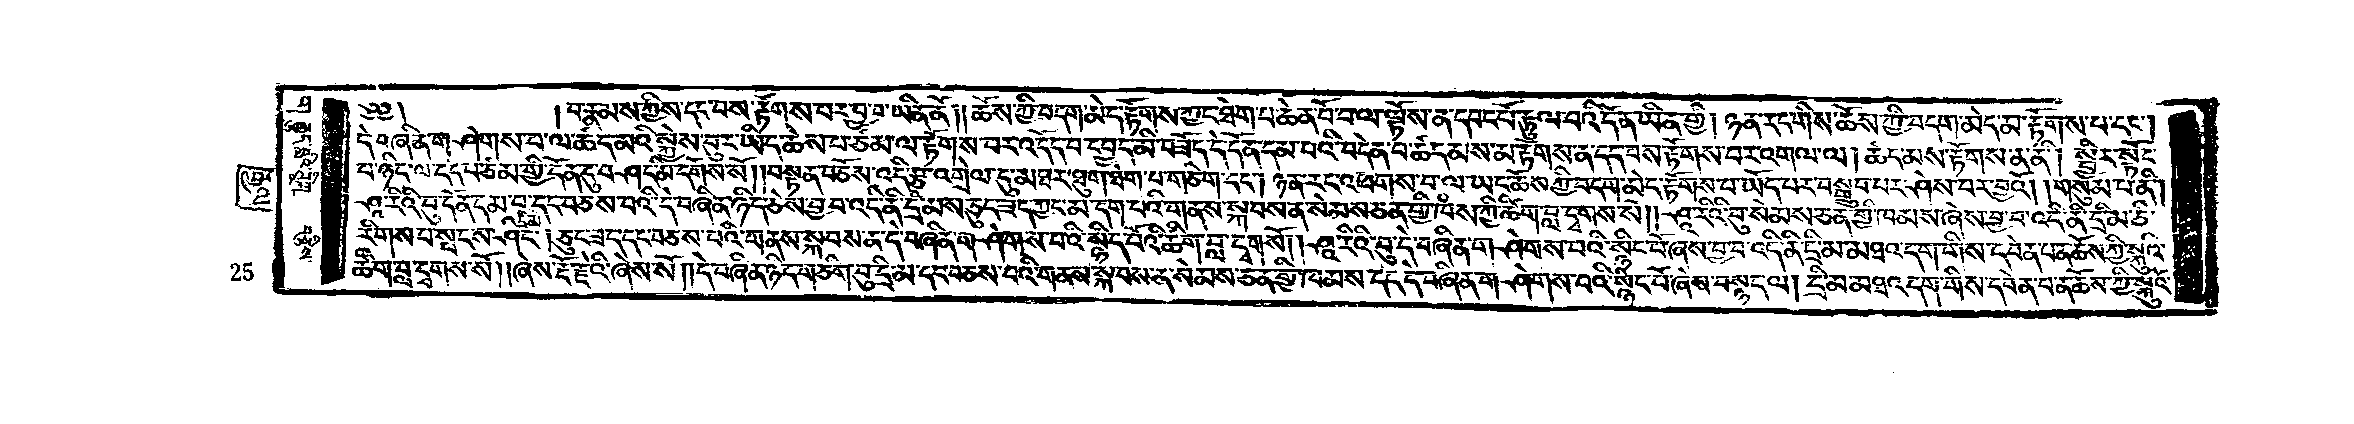༄༅། །པ་རྣམས་ཀྱིས་དང་བས་རྟོགས་པར་བྱ་བ་ཡིན་ནོ། །ཆོས་ཀྱི་བདག་མེད་རྟོགས་ཀྱང་ཐེག་པ་ཆེན་པོ་བ་ལ་ལྟོས་ན་དབང་པོ་རྟུལ་པའི་དོན་ཡིན་གྱི། ཉན་རང་གིས་ཆོས་ཀྱི་བདག་མེད་མ་རྟོགས་པ་དང་།
དེ་བཞིན་གཤེགས་པ་ལ་ཚད་མའི་སྐྱེས་བུར་ཡིད་ཆེས་པ་ཙམ་ལ་རྟོགས་པར་འདོད་པ་དབྱད་མི་བཟོད་དེ་དོན་དམ་པའི་བདེན་པ་ཚད་མས་མ་རྟོགས་ན་དད་པས་རྟོགས་པར་འགལ་ལ། ཚད་མས་རྟོགས་ན་ནི། སྤྱིར་སྟོང་
པ་ཉིད་ལ་དད་པ་ཙམ་གྱི་དོན་དུ་བཤད་མི་དགོས་སོ། །བསྟན་བཅོས་འདི་རྩ་འགྲེལ་དུ་མཐར་ཐུག་ཐེག་པ་གཅིག་དང་། ཉན་རང་འཕགས་པ་ལ་ཡང་ཆོས་ཀྱི་བདག་མེད་རྟོགས་པ་ཡོད་པར་བསྒྲུབ་པར་ཤེས་པར་བྱའོ། །གསུམ་པ་ནི།
ཤཱ་རིའི་བུ་དོན་དམ་པ་དྲི་མ་དང་བཅས་པའི་དེ་བཞིན་ཉིད་ཅེས་བྱ་བ་འདི་ནི་དྲི་མས་ཅུང་ཟད་ཀྱང་མ་དག་པའི་གནས་སྐབས་ན་སེམས་ཅན་གྱི་ཁམས་ཀྱི་ཚིག་བླ་དྭགས་སོ། །ཤཱ་རིའི་བུ་སེམས་ཅན་གྱི་ཁམས་ཞེས་བྱ་བ་འདི་ནི་དྲི་མ་ཅི་
རིགས་པ་སྤངས་ཤིང་། ཅུང་ཟད་དང་བཅས་པའི་གནས་སྐབས་ན་དེ་བཞིན་གཤེགས་པའི་སྙིང་པོའི་ཚིག་བླ་དྭགས་སོ། །ཤཱ་རིའི་བུ་དེ་བཞིན་གཤེགས་པའི་སྙིང་པོ་ཞེས་བྱ་བ་འདི་ནི་དྲི་མ་མཐའ་དག་གིས་དབེན་པ་ན་ཆོས་ཀྱི་སྐུའི་
ཚིག་བླ་དྭགས་སོ། །ཞེས་རྡོ་རྗེའི་ཞེས་སོ། །དེ་བཞིན་ཉིད་གཅིག་བུ་དྲི་མ་དང་བཅས་པའི་གནས་སྐབས་ན་སེམས་ཅན་གྱི་ཁམས་དང་དེ་བཞིན་གཤེགས་པའི་སྙིང་པོ་ཞེས་བསྙད་ལ། དྲི་མ་མཐའ་དག་གིས་དབེན་པ་ན་ཆོས་ཀྱི་སྐུའོ་